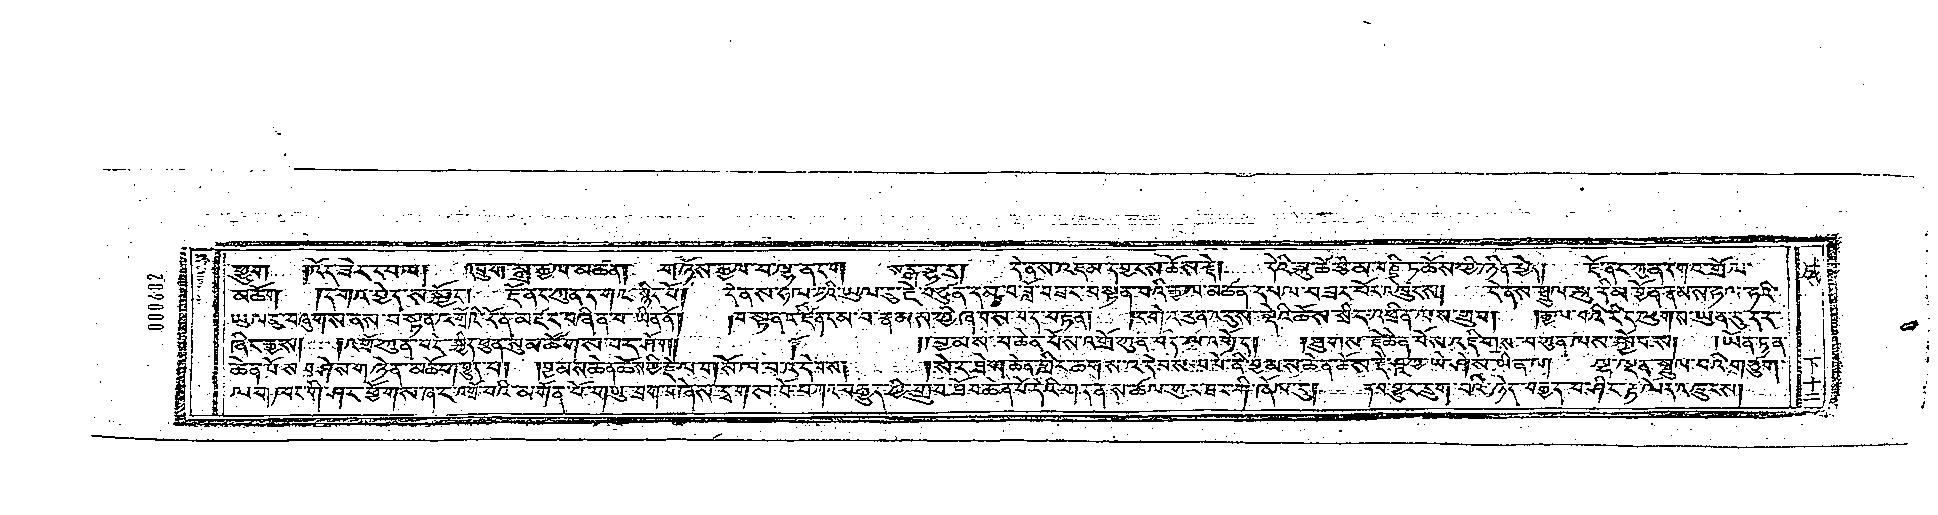ཕྱུག །འོད་ཟེར་དཔལ། འབྲུག་སྒྲ་རྒྱལ་མཚན། གཉིས་རྒྱལ་བ་ལྷ་ནང་ག་སངྒ་བྷ་དྲ། དེ་ནས་འཇམ་དབྱངས་ཆོས་རྗེ། དེའི་སྐུ་ཚེ་ཕྱི་མ་པཎྜི་ཏ་ཆོས་ཀྱི་ཉིན་བྱེད། ཇོ་ནང་ཀུན་དགའ་གྲོལ་
མཆོག །དགའ་བྱེད་ས་སྐྱོང་། ཇོ་ནང་ཀུན་དགའ་སྙིང་པོ། དེ་ནས་ཧལ་ཧའི་ཡུལ་དུ་རྗེ་བཙུན་དམ་པ་བློ་བཟང་བསྟན་པའི་རྒྱལ་མཚན་དཔལ་བཟང་པོར་འཁྲུངས། དེ་ནས་སྤྲུལ་སྐུ་རིམ་བྱོན་རྣམས་ཧལ་ཧའི་
ཡུལ་དུ་བཞུགས་ནས་བསྟན་འགྲོའི་དོན་མཛད་བཞིན་པ་ཡིན་ནོ། ཁ་སྟན་འཛིན་དམ་པ་རྣམས་ཀྱི་ཞབས་པད་བརྟན། །དགེ་འདུན་འདུས་སྡེའི་ཆོས་སྲིད་འཕྲིན་ལས་གྲུབ། །རྒྱལ་བའི་རིང་ལུགས་ཡུན་དུ་དར་
ཞིང་རྒྱས། །འགྲོ་ཀུན་བདེ་སྐྱིད་ཕུན་སུམ་ཚོགས་བར་ཤོག། ༈ །།བྱམས་པ་ཆེན་པོས་འགྲོ་ཀུན་བོད་ལ་འགོད། །ཐུགས་རྗེ་ཆེན་པོས་འཇིགས་པ་ཀུན་ལས་སྐྱོབས། །ཡོན་ཏན་
ཆེན་པོས་བཤེས་གཉེན་མཆོག་གྱུར་པ། །བྱམས་ཆེན་ཆོས་ཀྱི་རྗེ་ལ་གསོལ་བ་འདེབས། །སེ་ར་ཐེག་ཆེན་གླིང་ཆགས་འདེབས་པ་པོ་ནི་བྱམས་ཆེན་ཆོས་རྗེ་ཤཱཀྱ་ཡེ་ཤེས་ཡིན་ལ། ལྷ་ལྡན་སྤྲུལ་བའི་གཙུག་
ལག་ཁང་གི་ཤར་ཕྱོགས་ཞང་འགྲོ་བའི་མགོན་པོ་གཡུ་བྲག་པ་ཞེས་དྭགས་པོ་བཀའ་བརྒྱུད་ཀྱི་གྲུབ་ཐོབ་ཆེན་པོ་དེའི་གདན་ས་ཚལ་གུང་ཐང་གི་ཞོལ་དུ། རབ་བྱུང་དྲུག་པའི་ཉེར་བརྒྱད་པ་ཤིང་རྟ་ལོར་འཁྲུངས།